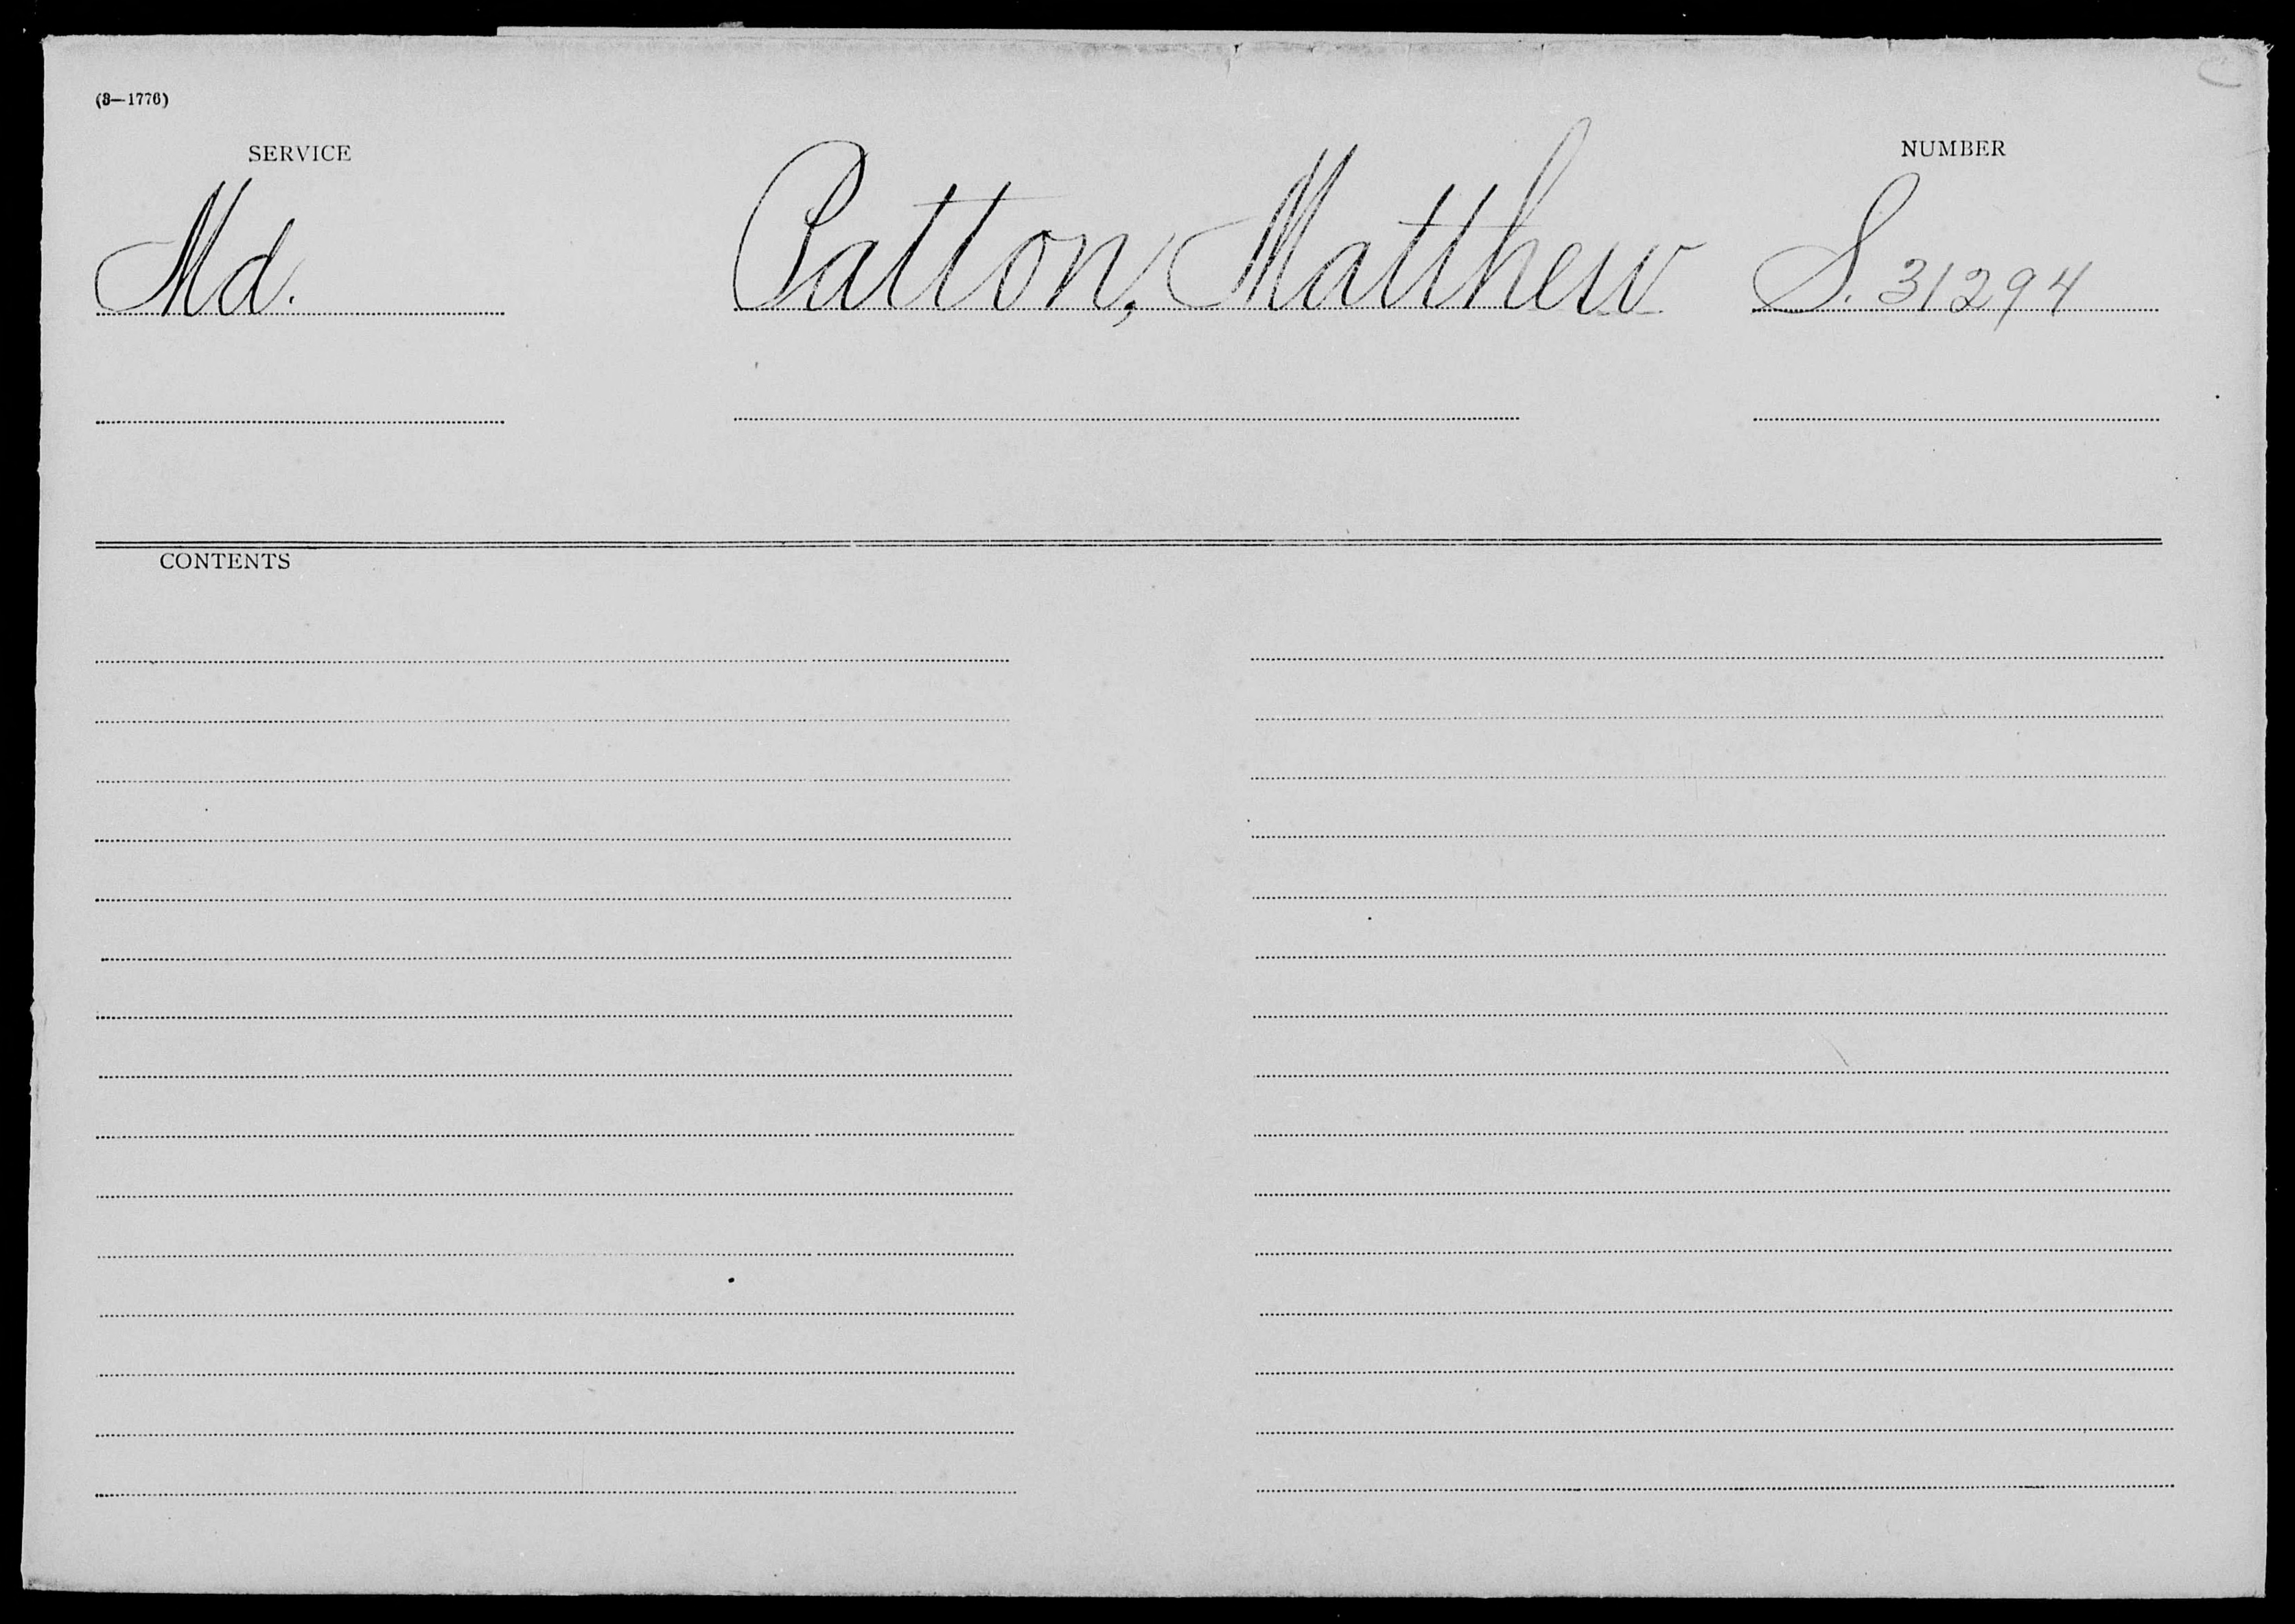(8-1776)
SERVICE NUMBER
Md. Patton, Matthew S.3129
CONTENTS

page: 1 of 45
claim: survivor's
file: S. 31294, for Matthew Patton, Maryland